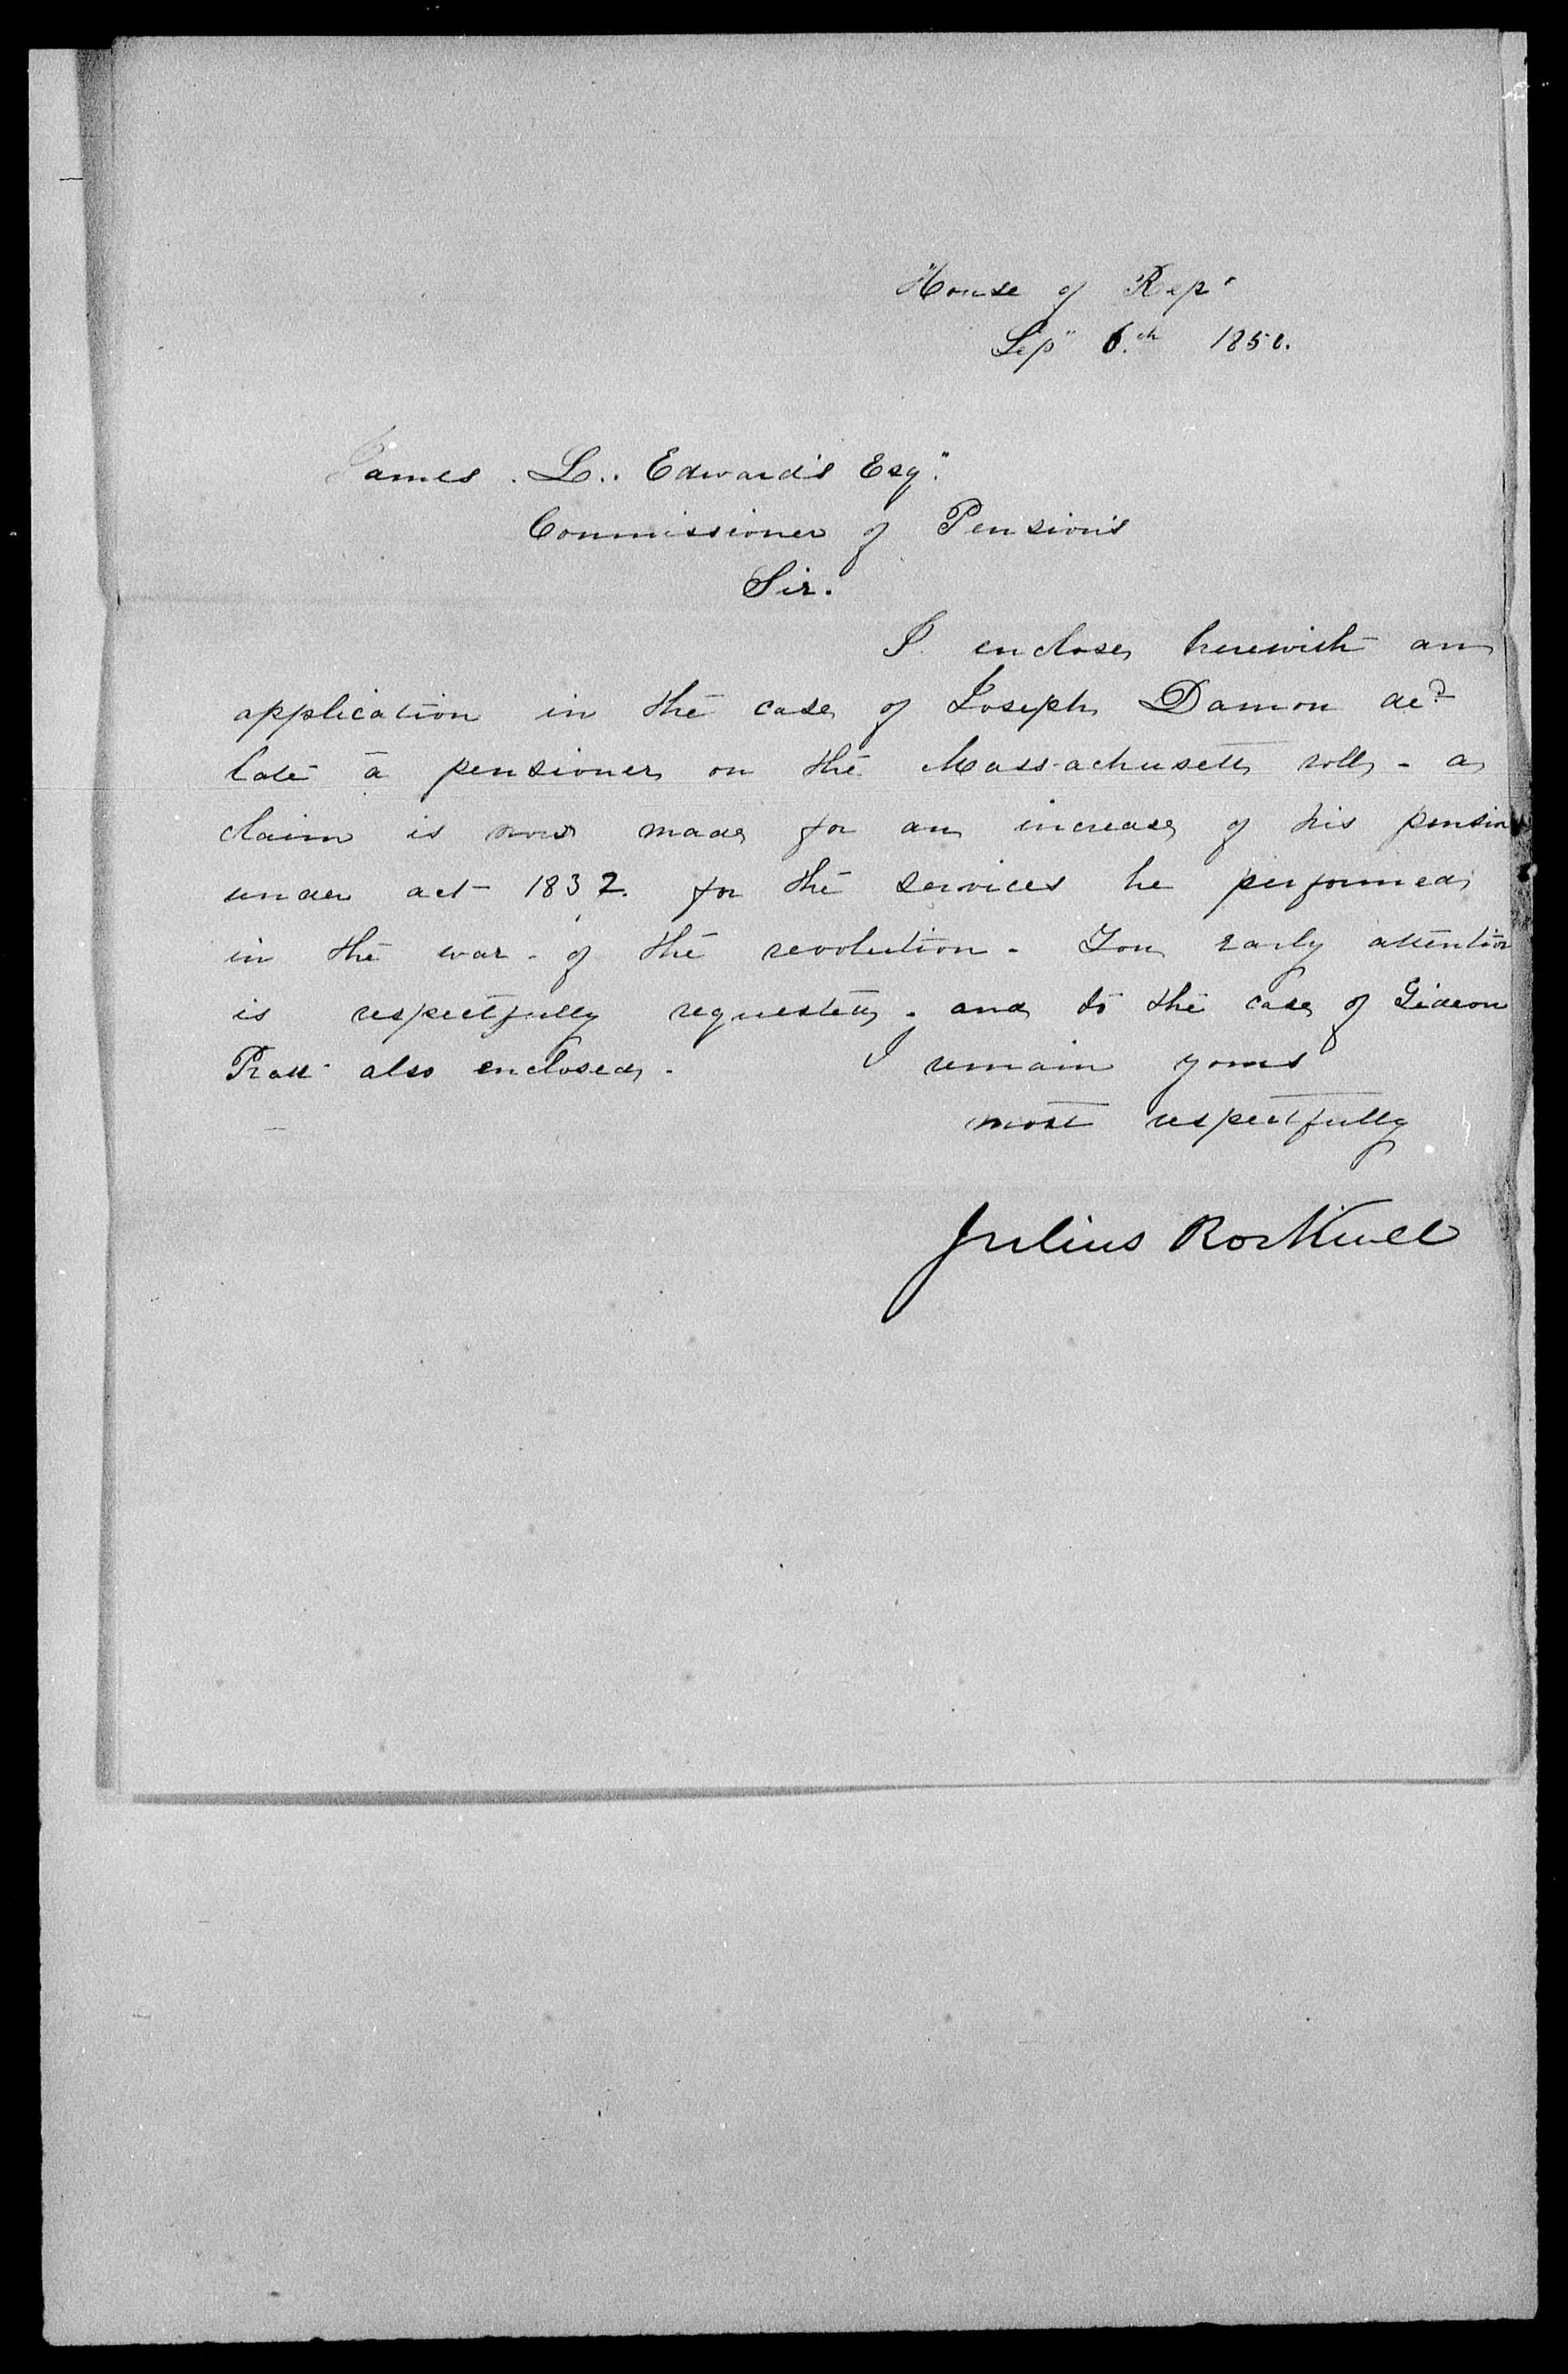House of Rep'
Sep 6th 1850

James L. Edwards Esq.
Commissioner of Pensions
Sir.
I enclose herewith an application in the case of Joseph Damon of late a pensioner of the Massachusetts rolls - a claim of now made for an increase of his pension under act 1832 for the services he performed in the war of the revolution. Your early attention is respectfully requested, and to the case of Gideon Pratt also enclosed.
I remain your most respectfully
Julius Rockwell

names: James L Edwards, Joseph Damon, Julius Rockwel, Gideon Pratt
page: 26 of 28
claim: survivor's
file: S. 17376, Joseph Damon, Continental Mass.